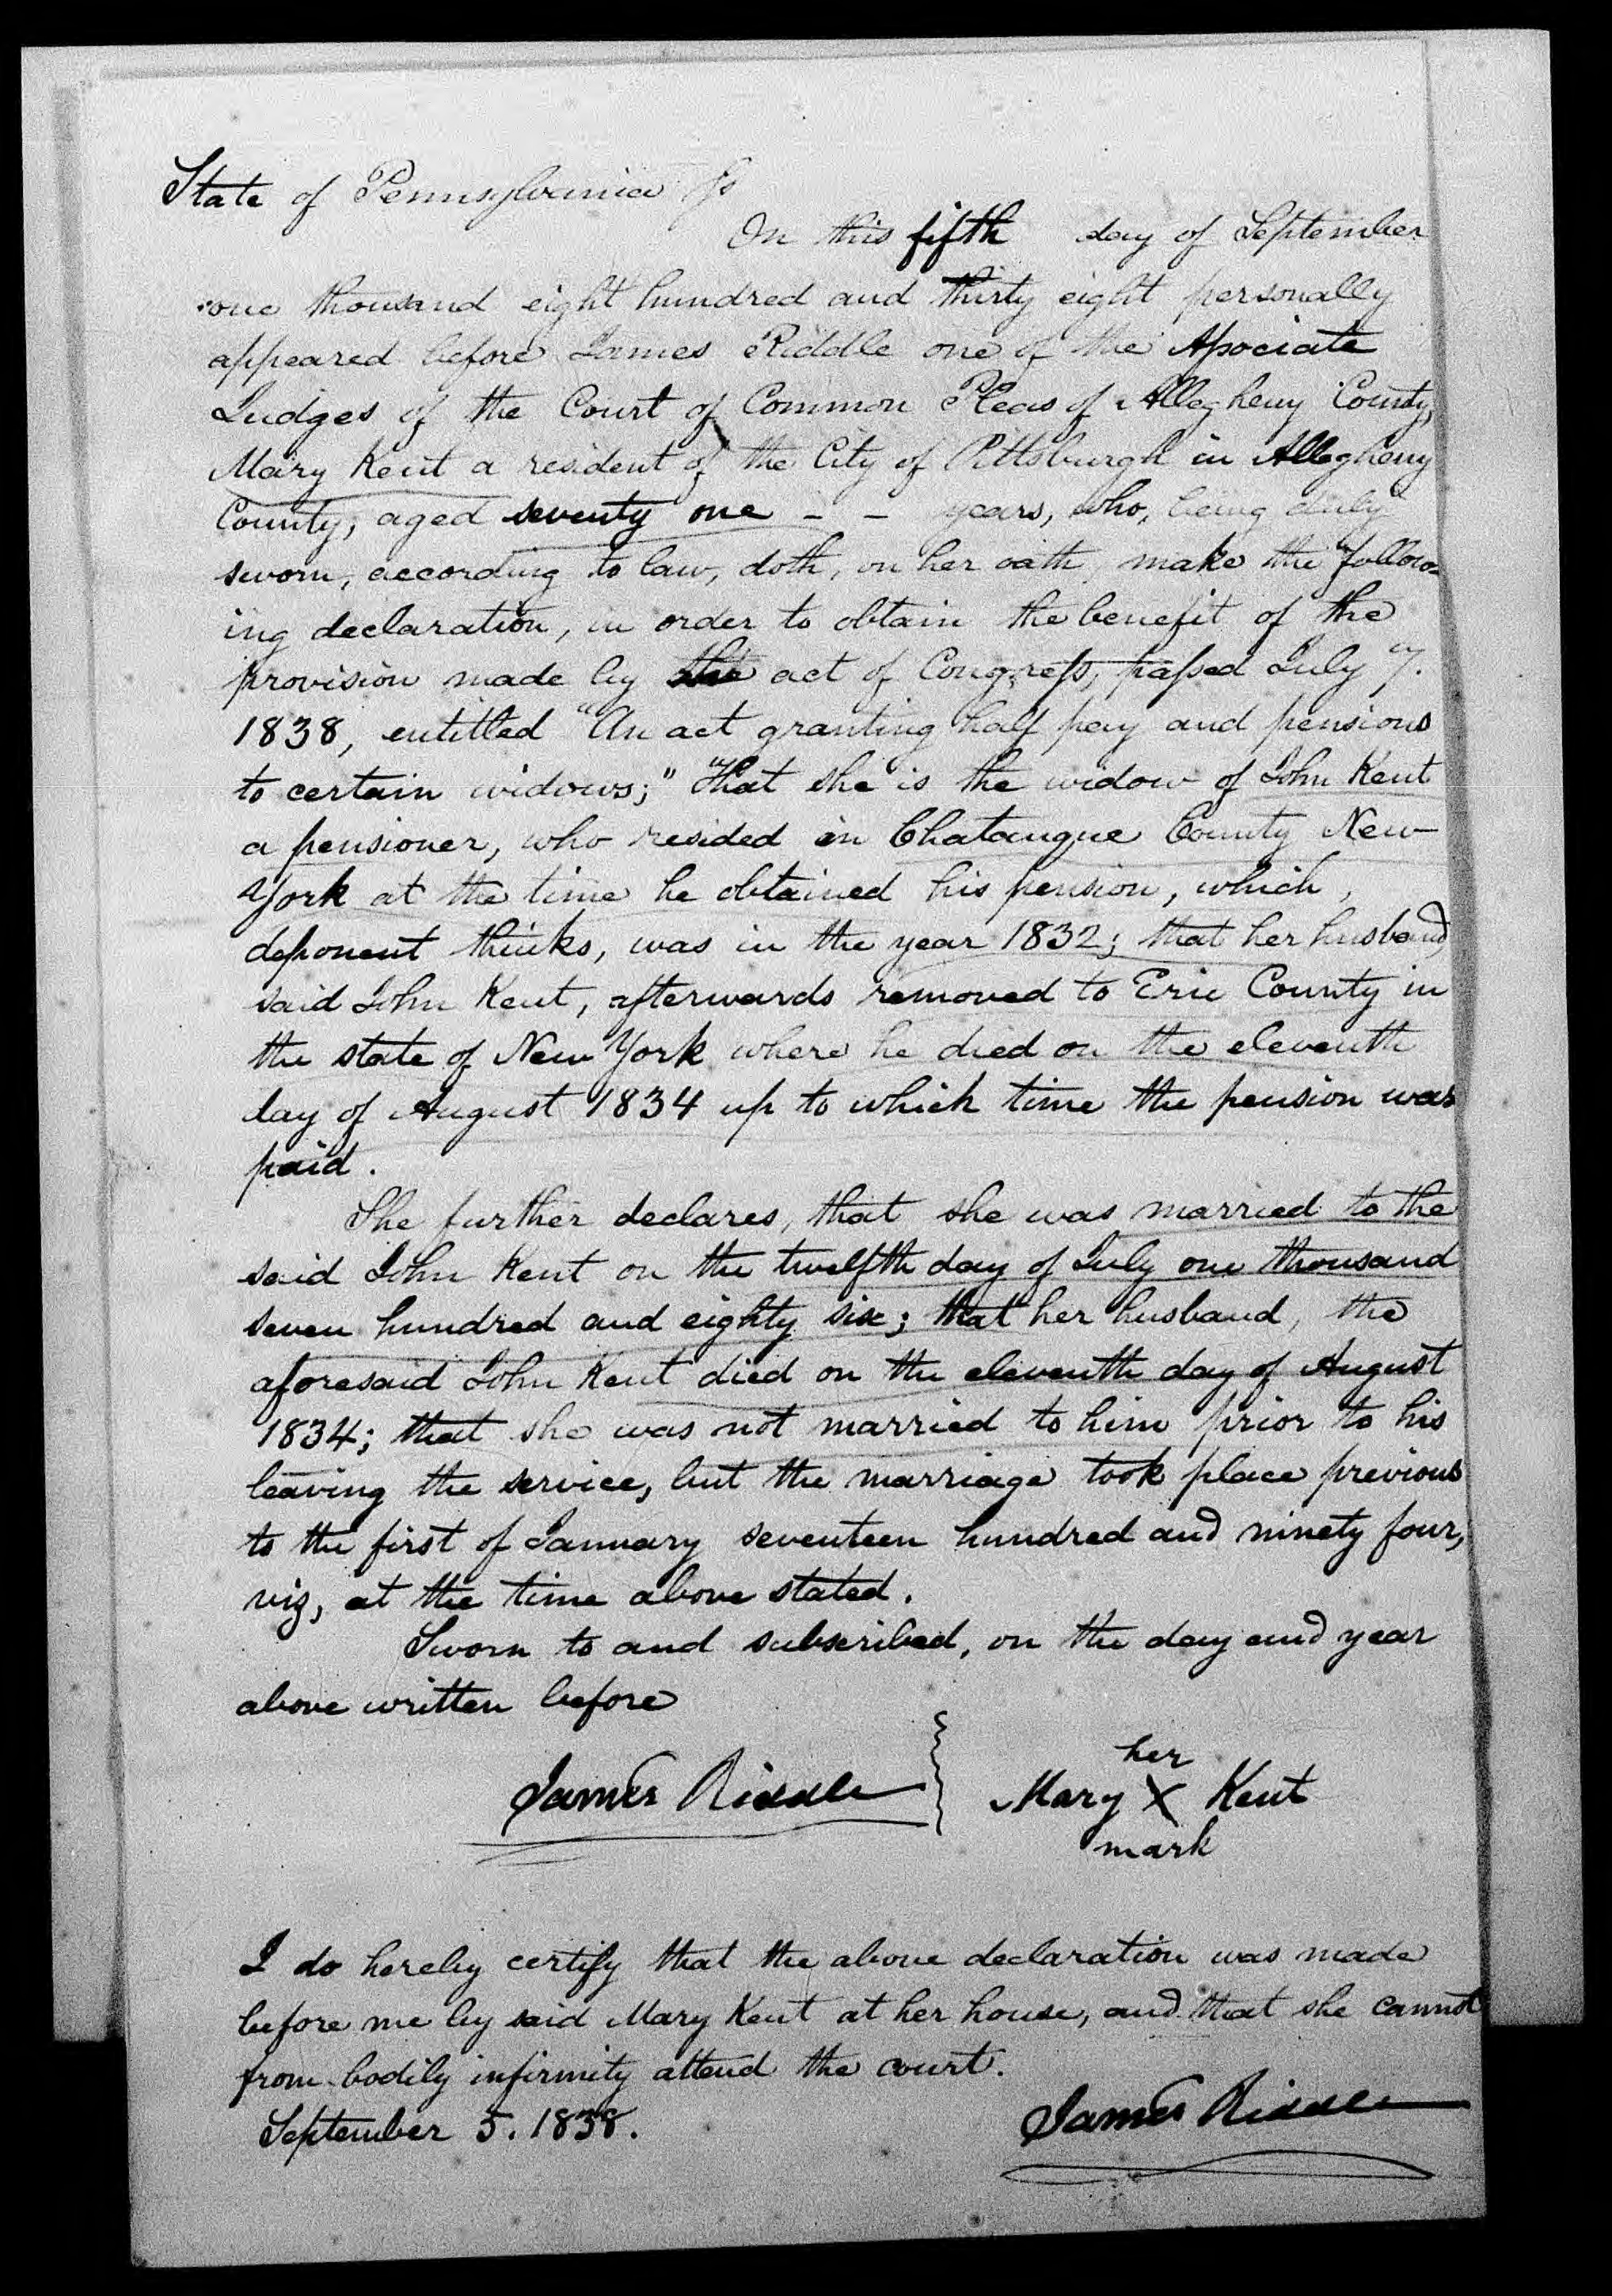State of Pennsylvania   ss

On this fifth day of September one thousand eight hundred and thirty eight personally appeared before James Riddle one of the Associate Judges of the Court of Common Pleas of Allegheny County, Mary Kent a resident of the City of Pittsburgh in Allegheny County, aged seventy one years, who, being duly sworn, according to law, doth, on her oath make the following declaration, in order to obtain the benefit of the provision made by the act of Congress, passed July 7. 1838, entitled "An act granting half pay and pensions to certain widows;"  That she is the widow of John Kent a pensioner, who resided in Chatauque County New York at the time he obtained his pension, which, deponent thinks, was in the year 1832;  that her husband said John Kent, afterwards removed to Eric County in the state of New York where he died on the eleventh day of August 1834 up to which time the pension was paid.

She further declares, that she was married to the said John Kent on the twelfth day of July one thousand seven hundred and eighty six;  that her husband, the aforesaid John Kent died on the eleventh day of August 1834;  that she was not married to him, prior to his leaving the service, but the marriage took place previous to the first of January seventeen hundred and ninety four, viz, at the time above stated.

Sworn to and subscribed, on the day and year above written before James Riddle

        her
Mary X Kent
        mark

I do hereby certify that the above declaration was made before me by said Mary Kent at her house, and that she cannot from bodily infirmity attend the court.
September 5. 1838.     James Riddle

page: 10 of 50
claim: widow's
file: W. 4253, for John Kent, Vermont